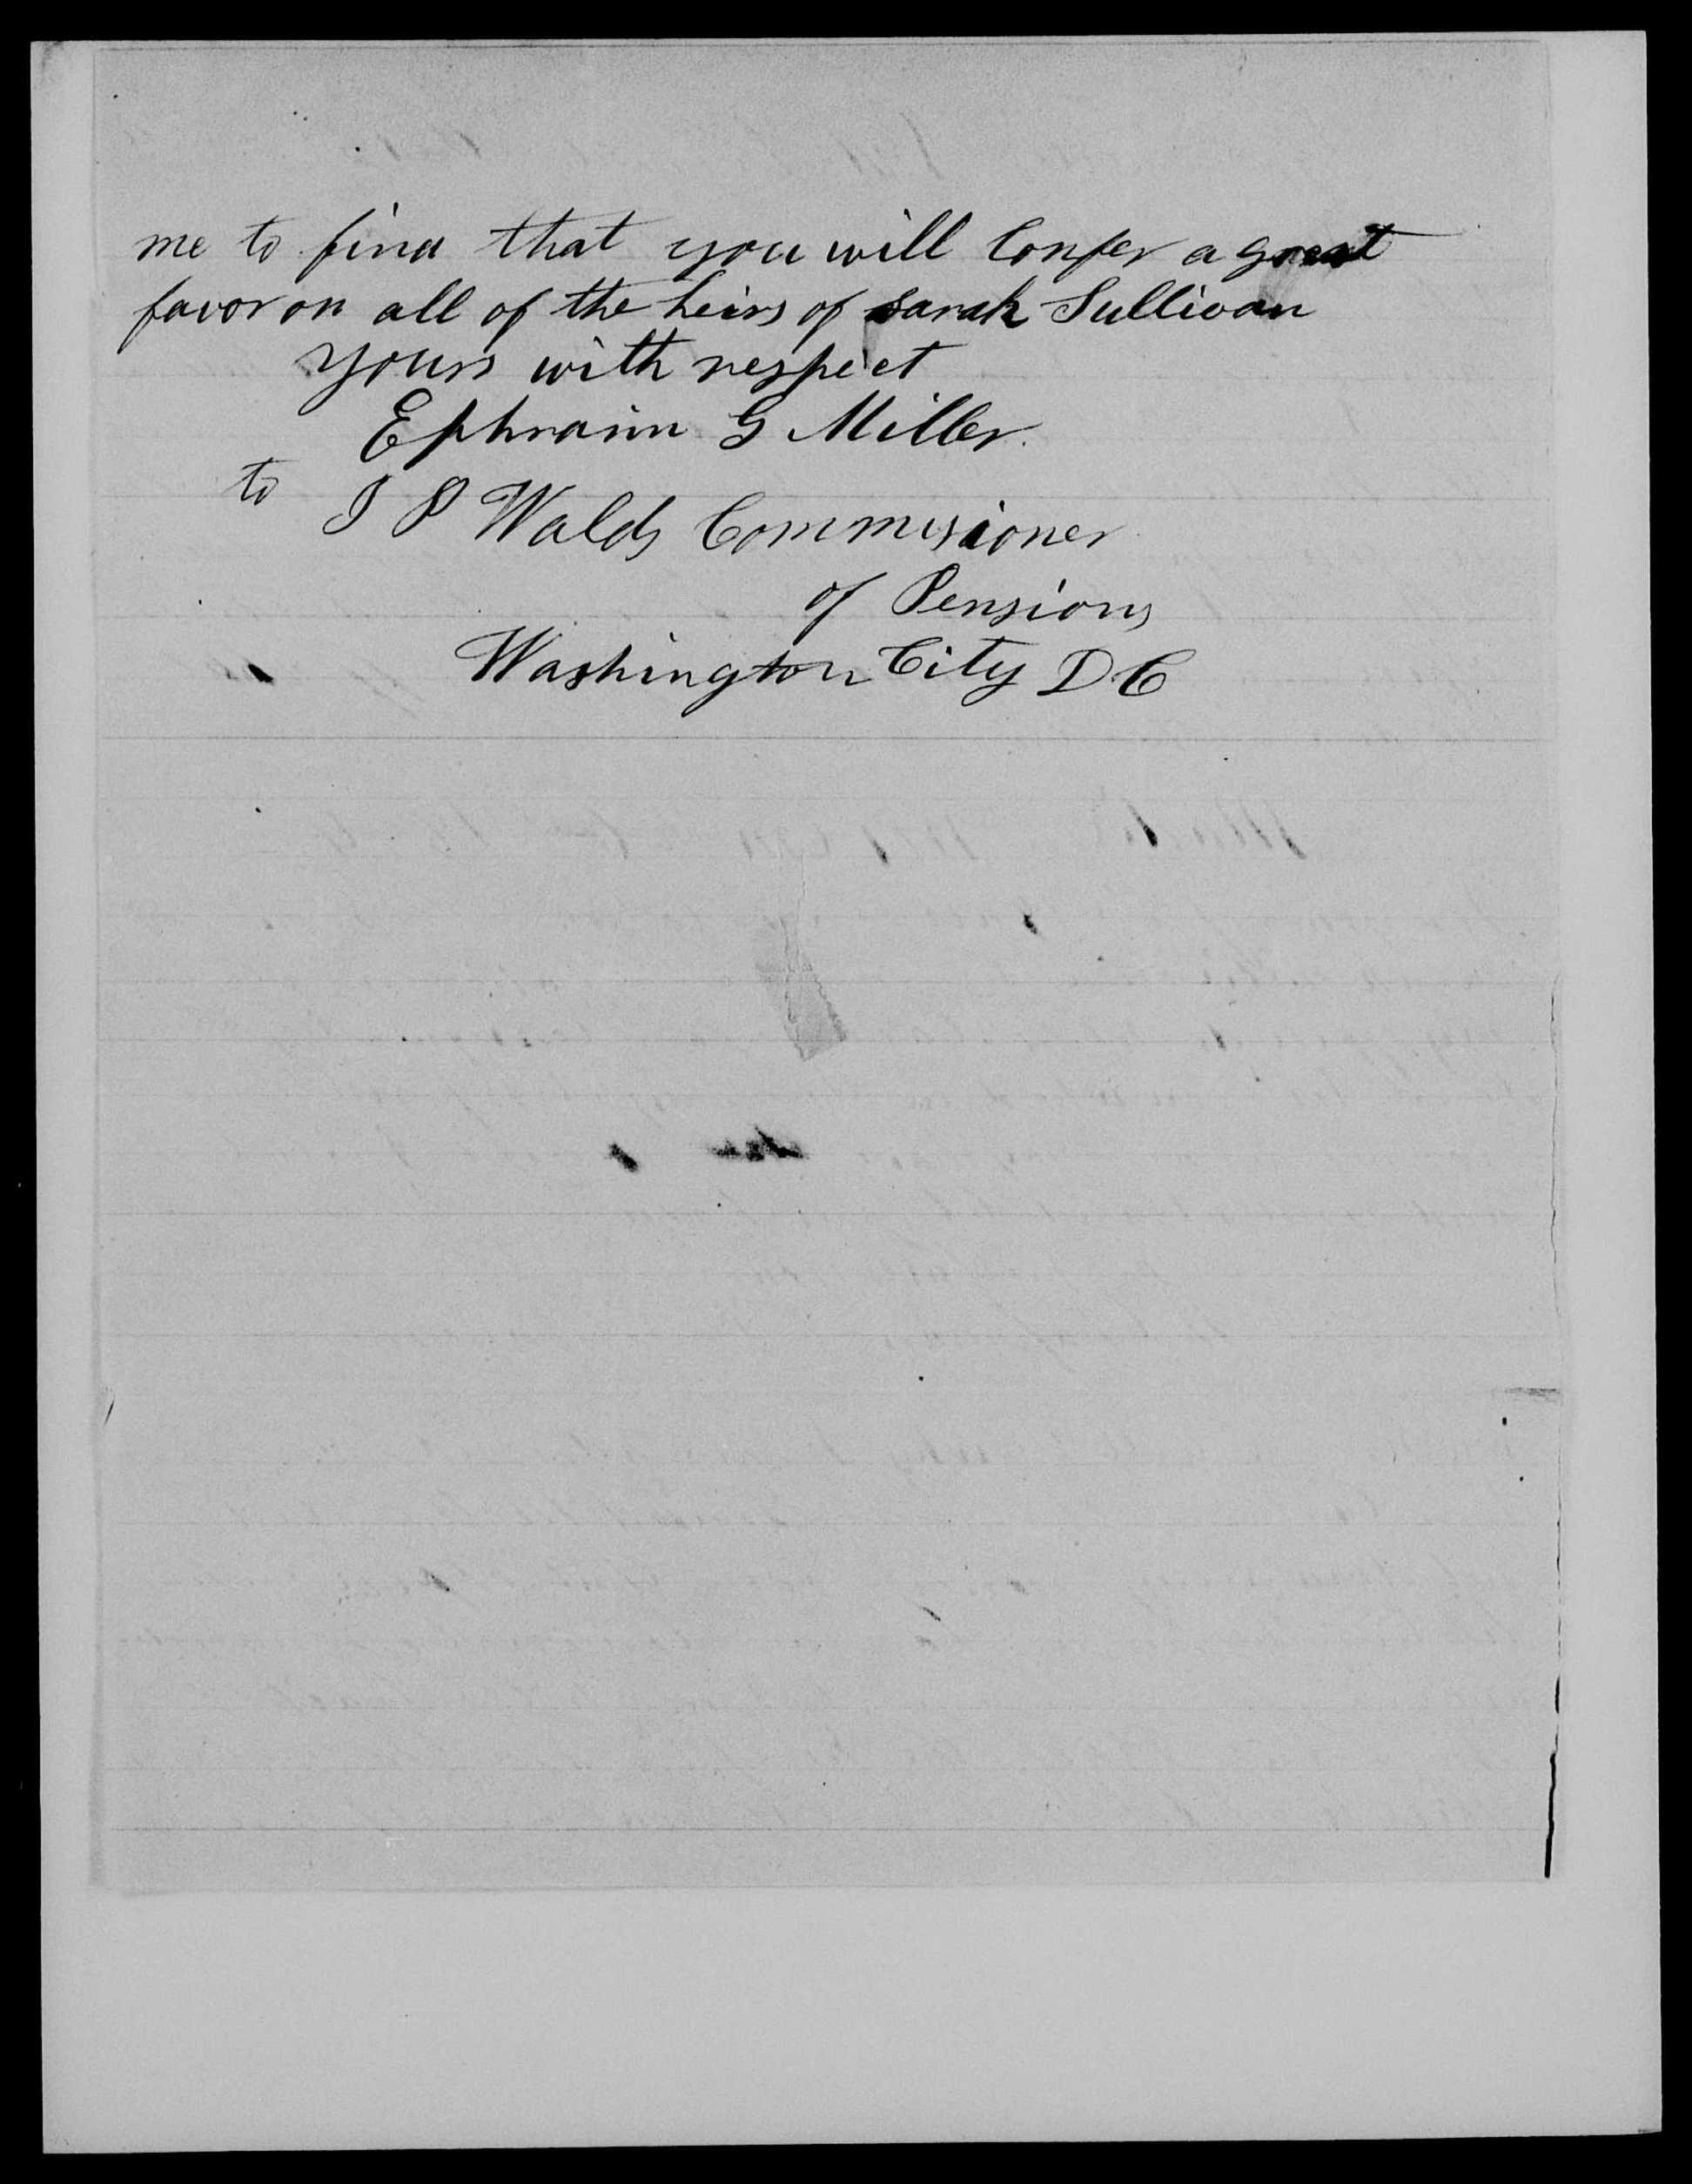me to find that you will confer a great favor on all of the heirs of Sarah Sullivan

Yours with respect
[signed] Ephraim G. Miller
to J P Waldo Commissioner of Pensions
Washington City DC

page: 50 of 78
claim: widow's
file: W. 25,169, for Daniel Sullivan, Maryland